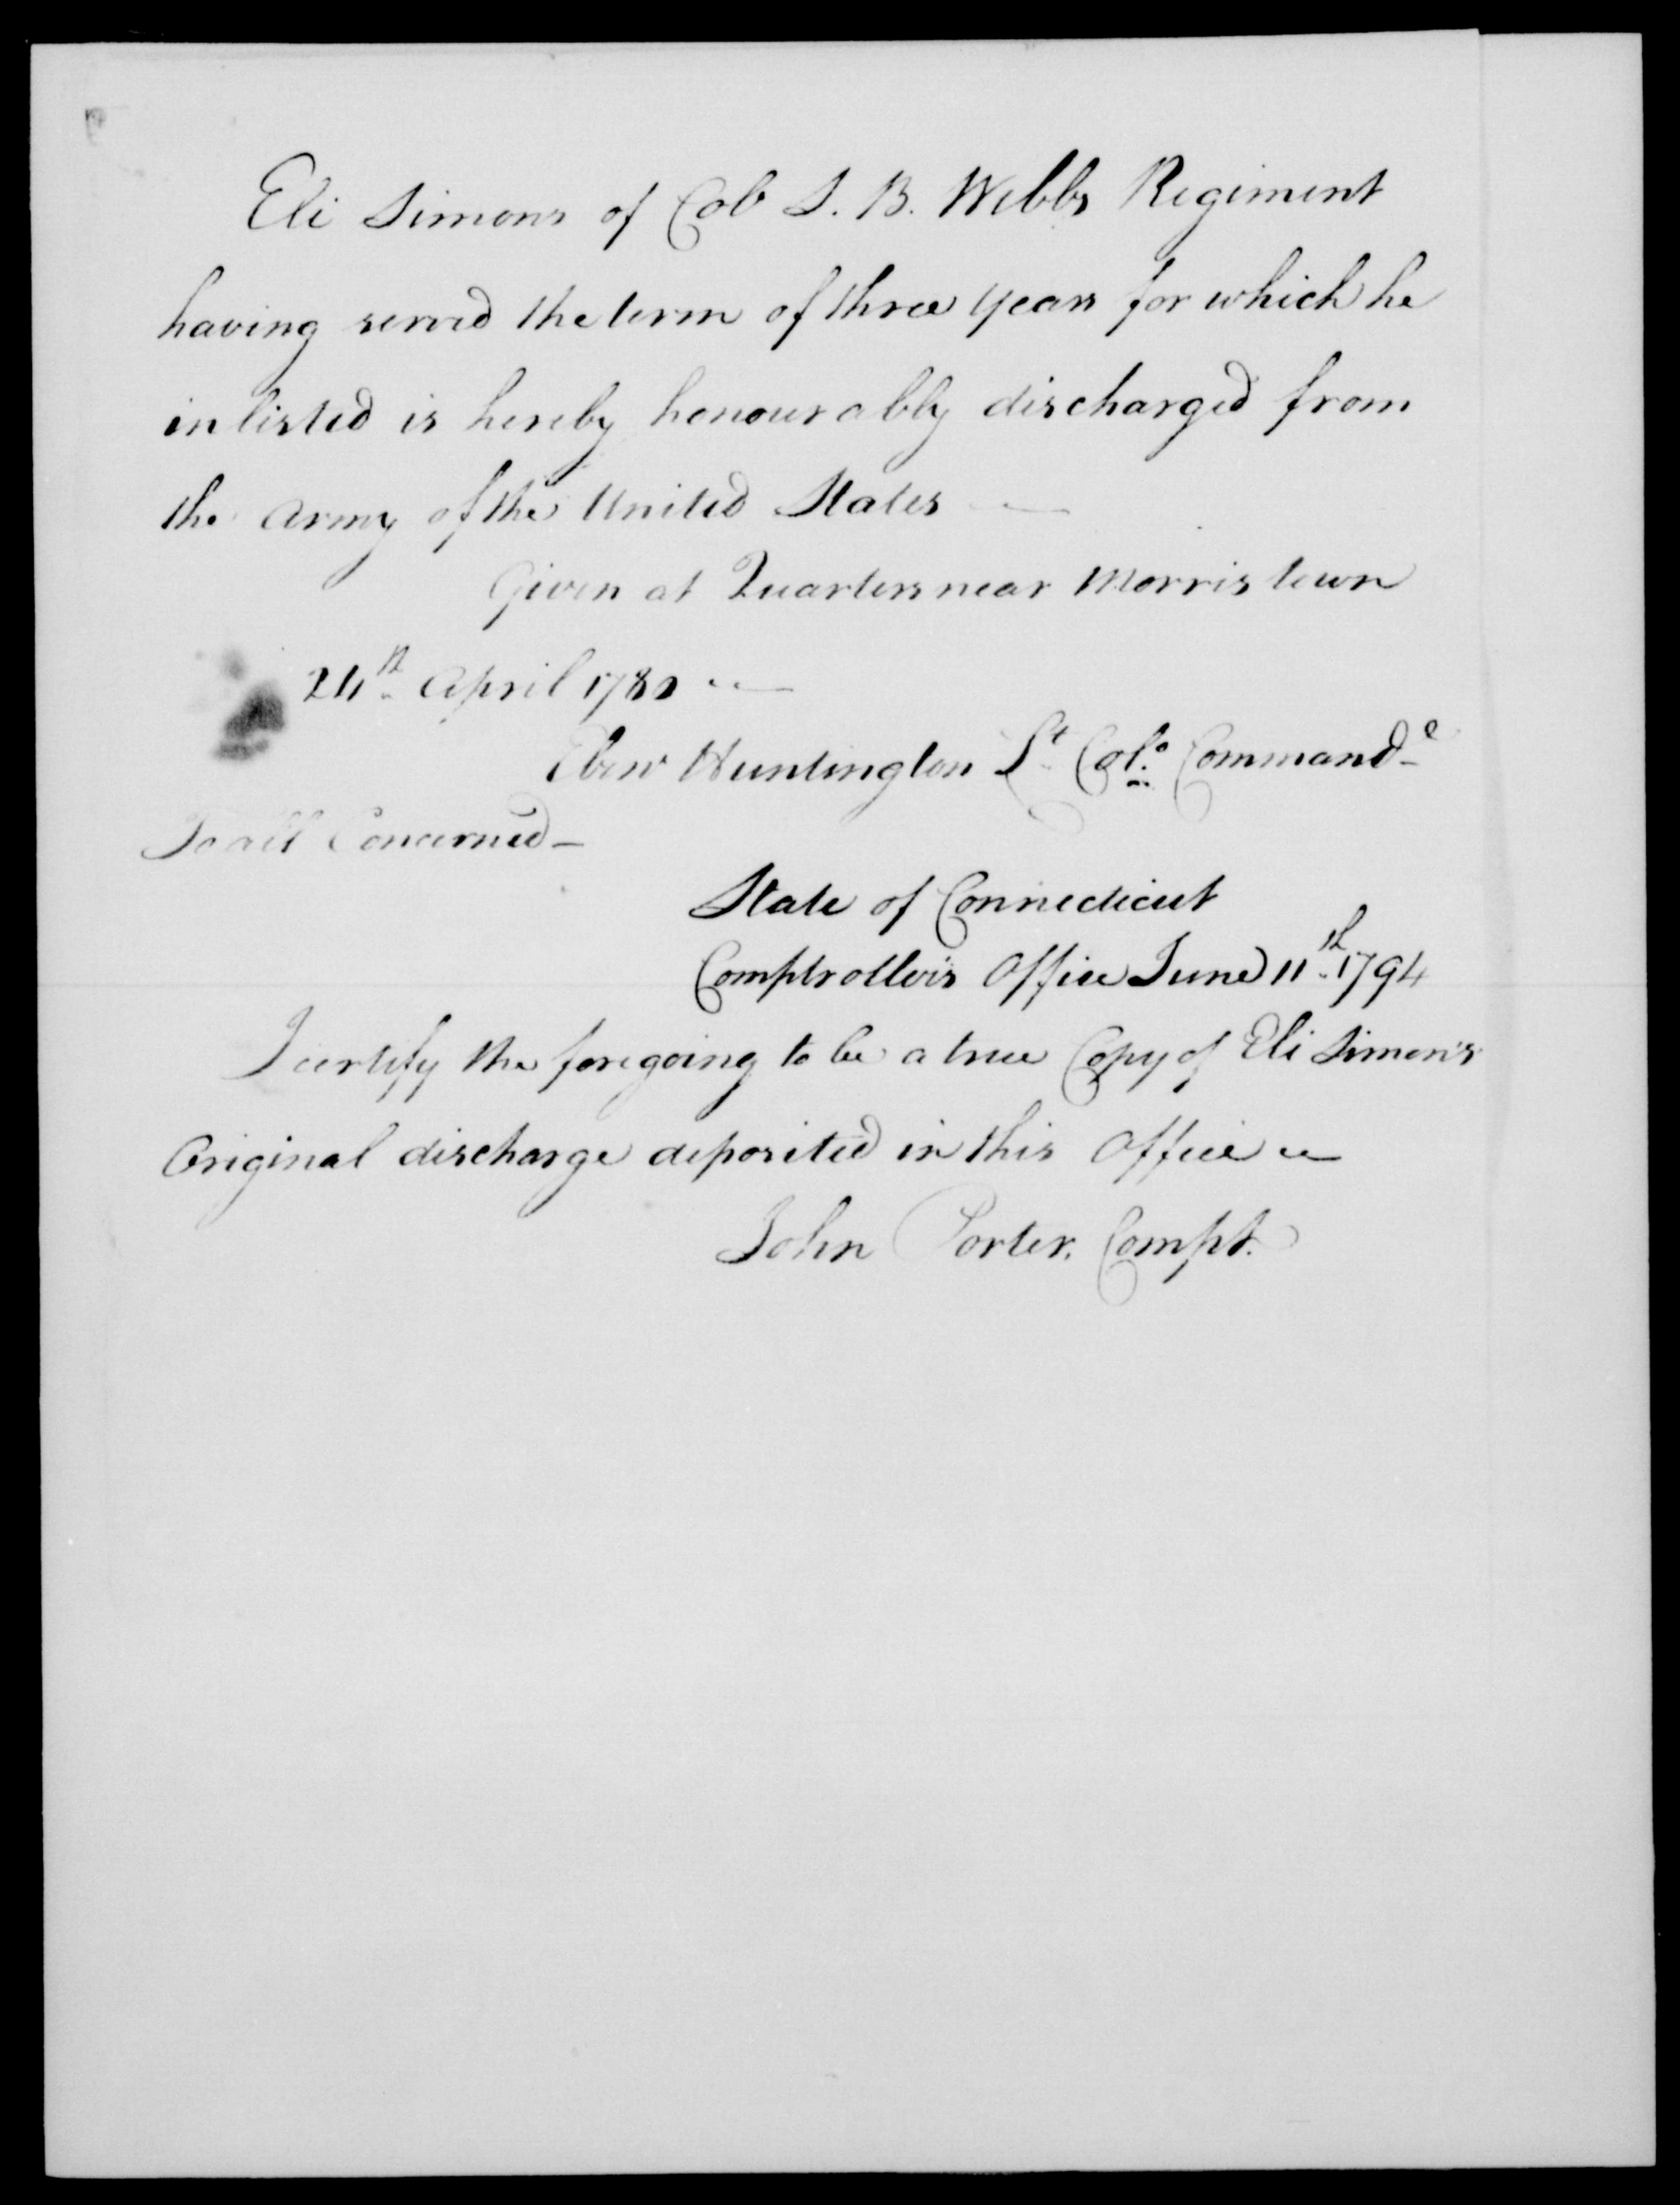Eli Simons of Col S. B. Webbs Regiment having served the term of three years for which he inlisted is hereby honourably discharged from the army of the United States -
Given at Quarters near Morristown 24th April 1780 -
Eben Huntington Lt Col Commandr-
To all Concerned -
State of Connecticut
Comptroller's Office June 11th 1794
I certify the foregoing to be a true Copy of Eli Simon's Original discharge deposited in this office -
John Porter, Compt.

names: Eli Simons; Eli Simon; Ebenr Huntington; John Porter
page: 13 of 20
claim: survivor's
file: S 33668, for Eli Simons, Connecticut